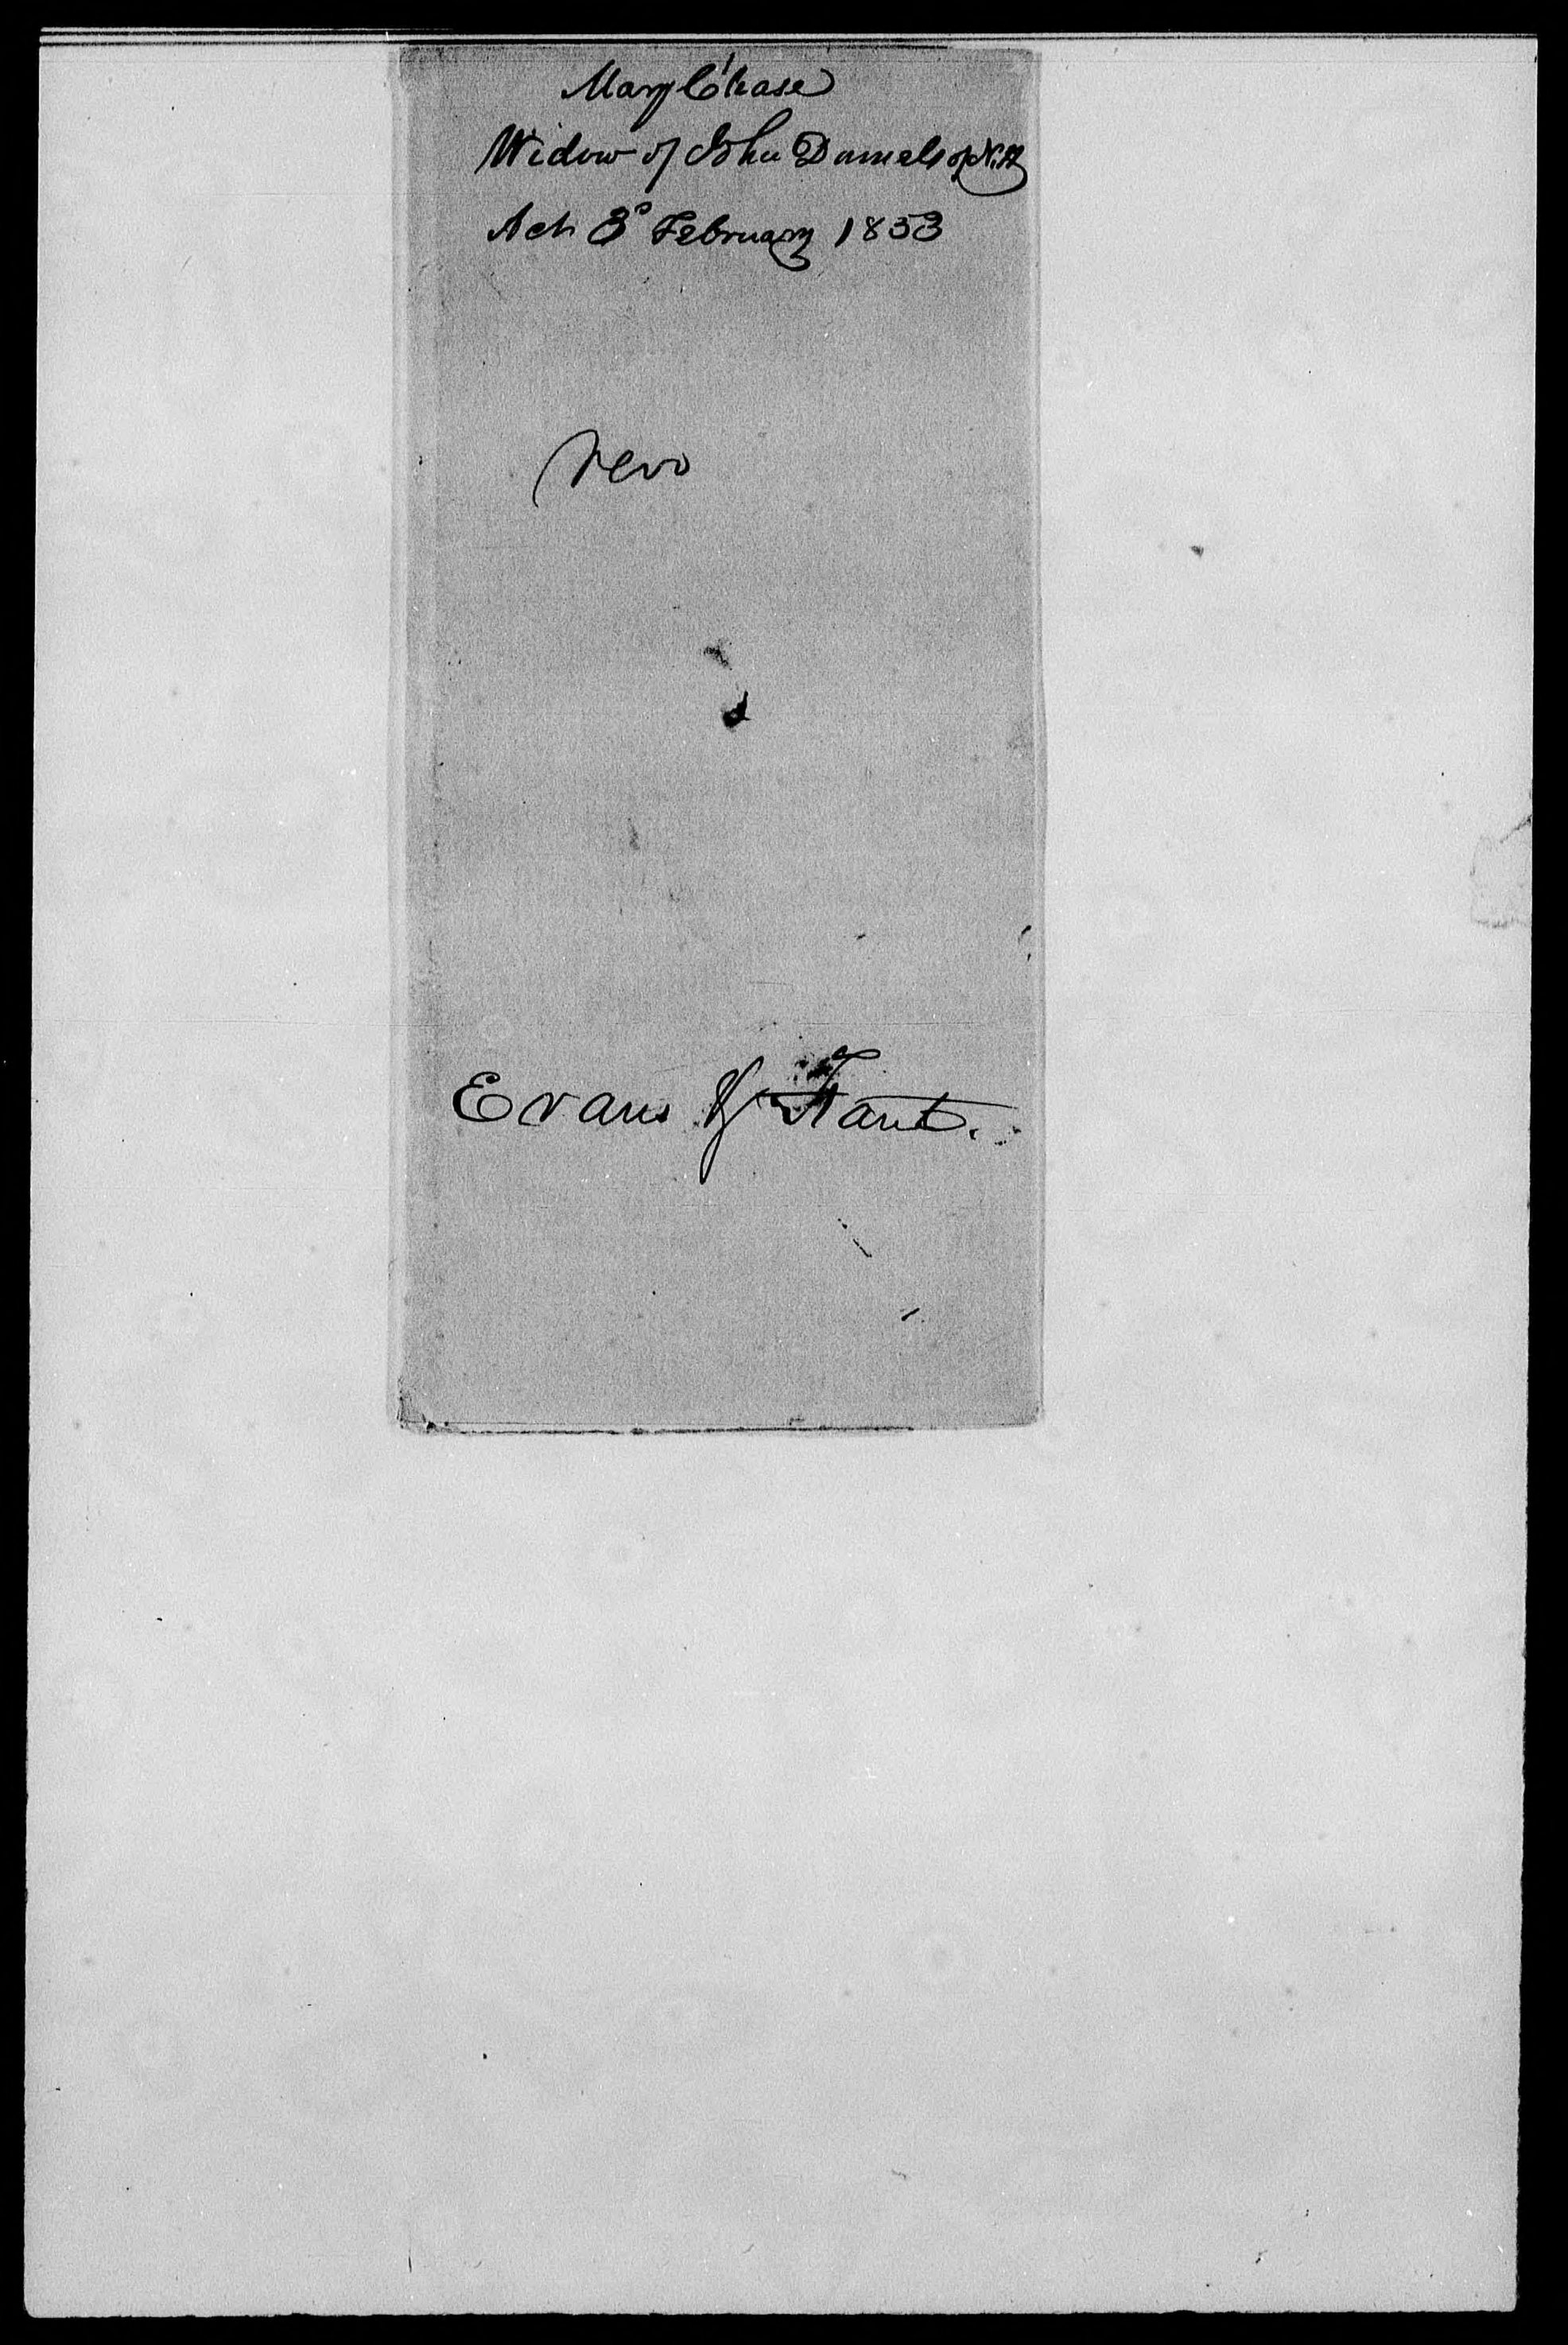Mary C'hase
Widow of John Daniels of N.H.
Act 8 February 1853

Rev.

Evans J. Fant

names: John Daniels, Mary Chase, Evans, Fant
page: 6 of 43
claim: widow's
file: W 683, John Daniels, Continental Mass. N.H.